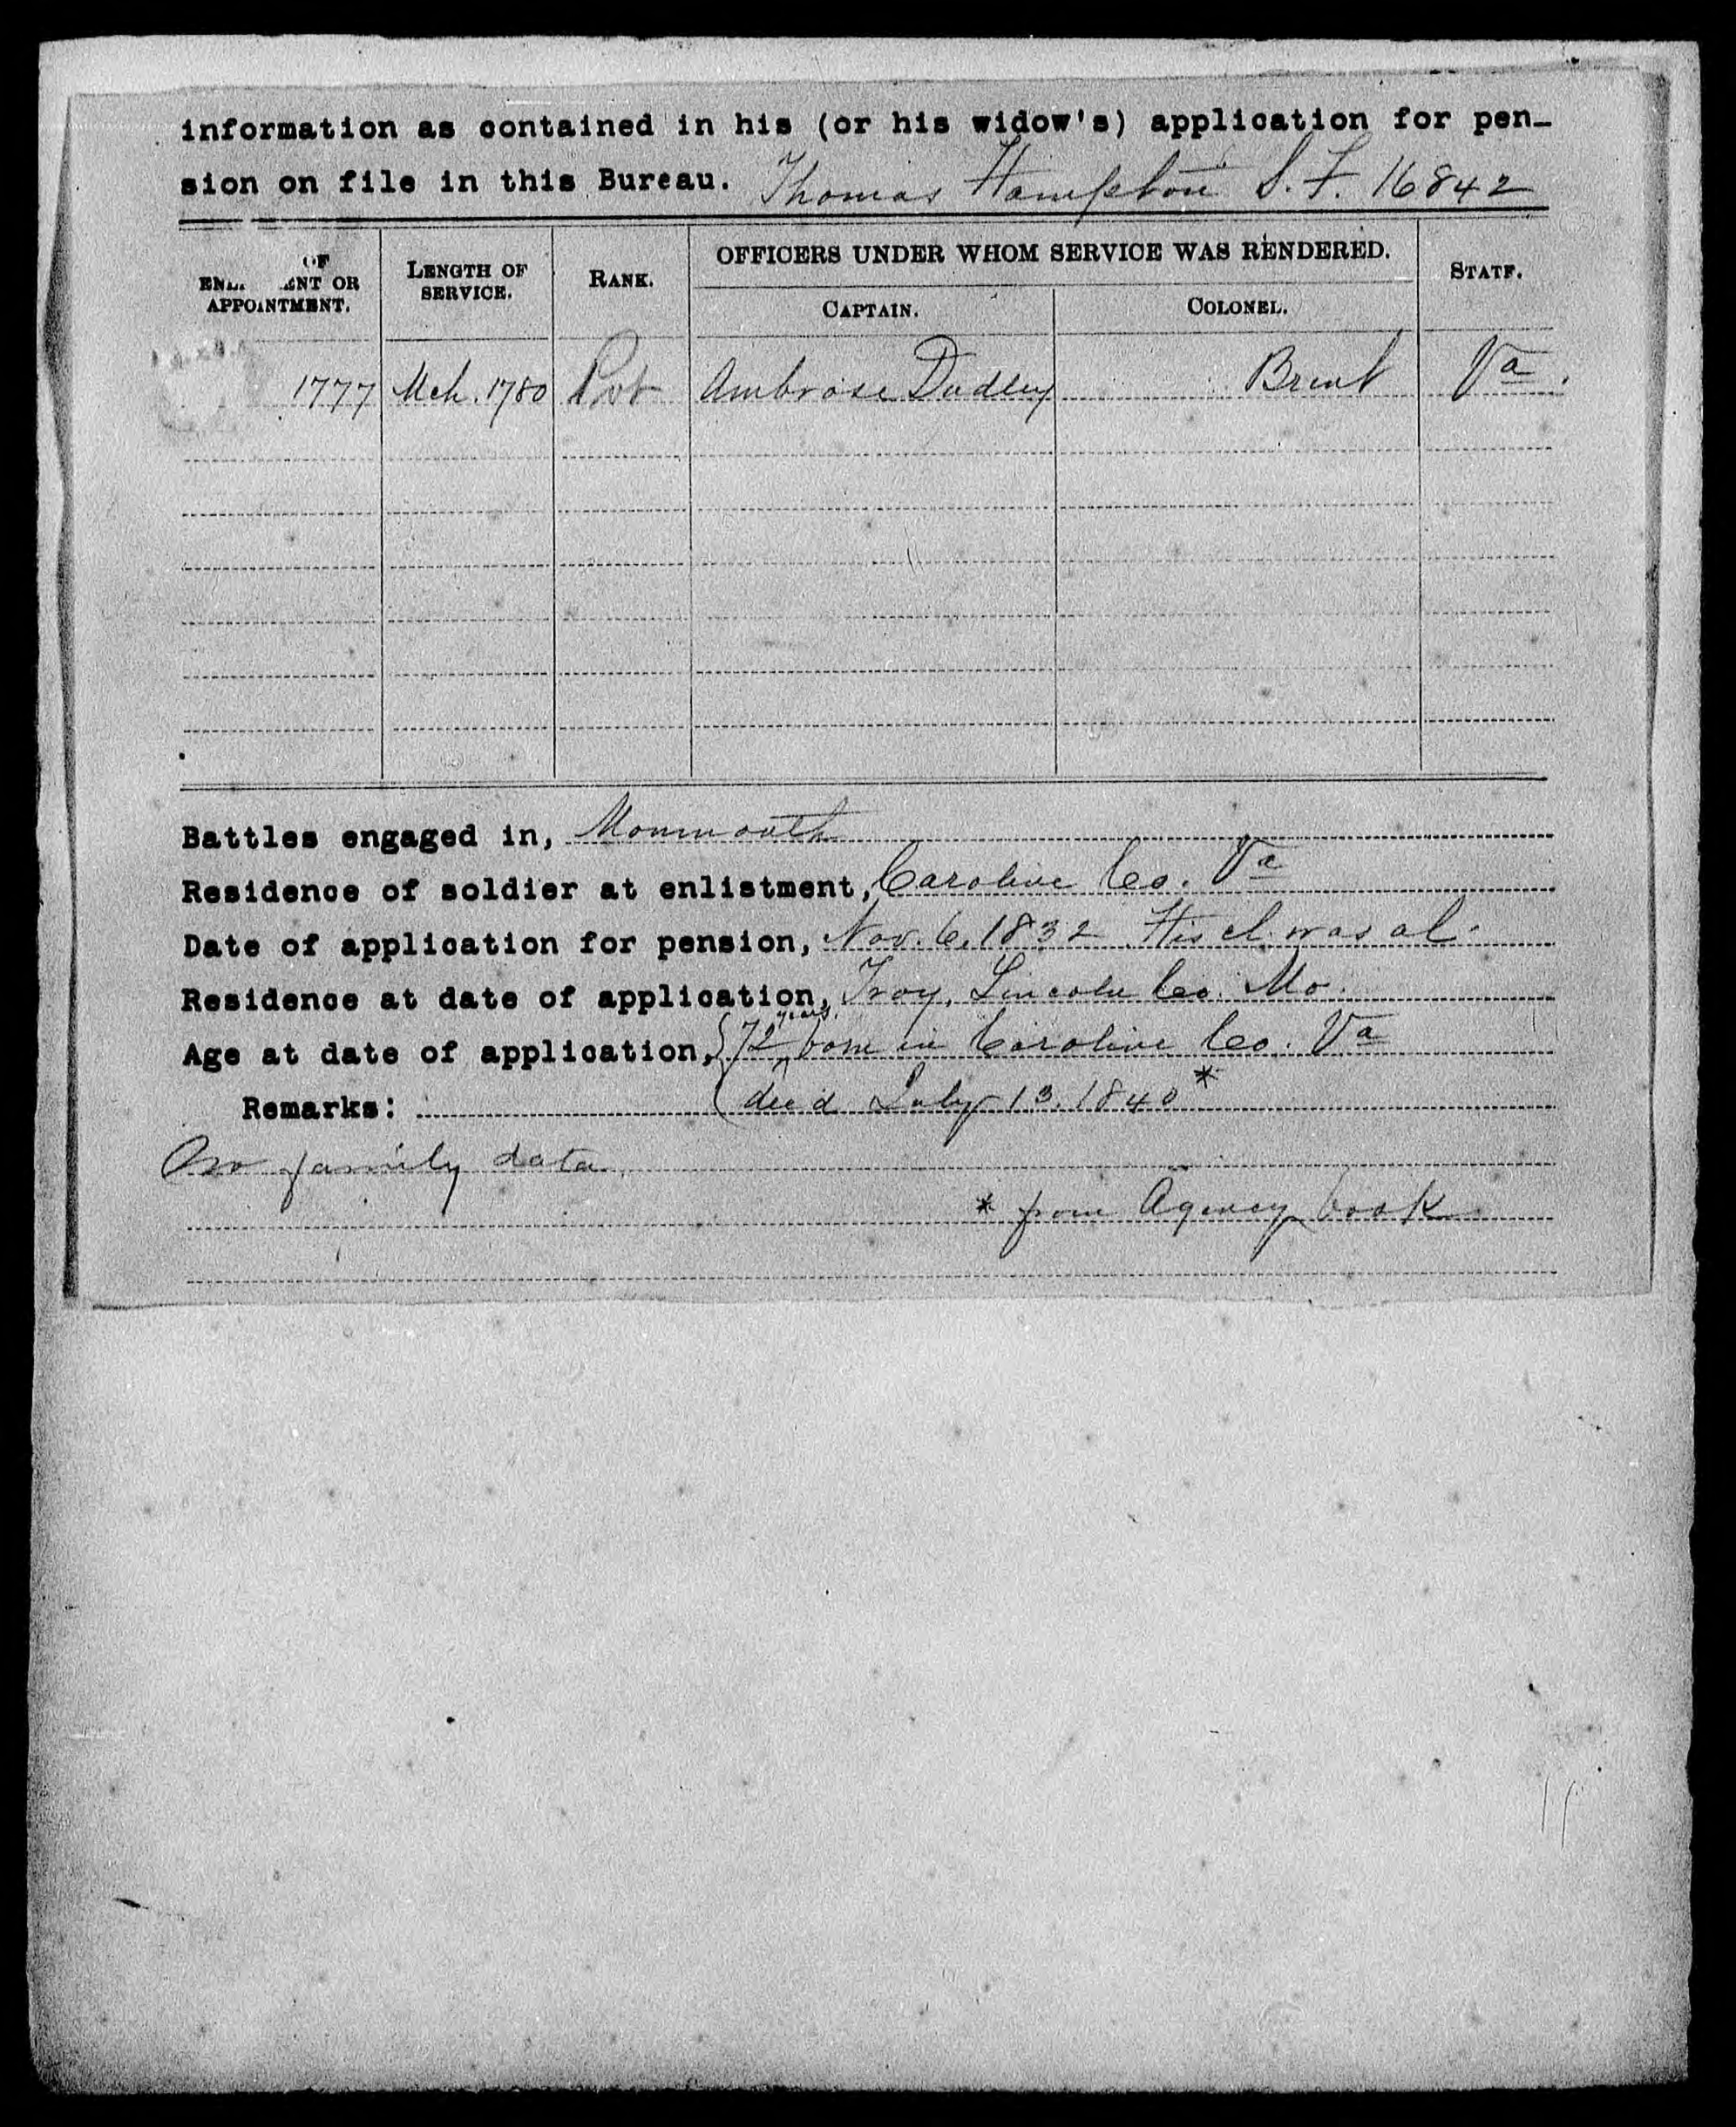information as contained in his (or his widow's) application for pension on file in this Bureau. Thomas Hampton S.F. 16842

[DATE] OF ENLISTMENT OR APPOINTMENT.  1777
LENGTH OF SERVICE.  Mch. 1780 
RANK.  Pvt
OFFICERS UNDER WHOM SERVICE WAS RENDERED. 
CAPTAIN.  Ambrose Dudley 
COLONEL.  Brent
STATE.  Va.

Battles engaged in, Monmouth
Residence of soldier at enlistment, Caroline Co. Va
Date of application for pension, Nov. 6, 1832 His cl. was al.
Residence at date of application, Troy, Lincoln Co. Mo.
Age at date of application, 72 years, born in Caroline Co. Va, died July 13, 1840*
Remarks: 
No family data
*from Agency book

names: Thomas Hampton, Brent, Ambrose Dudley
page: 20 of 26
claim: survivor's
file: S. 16842, Thomas Hampton, Va.